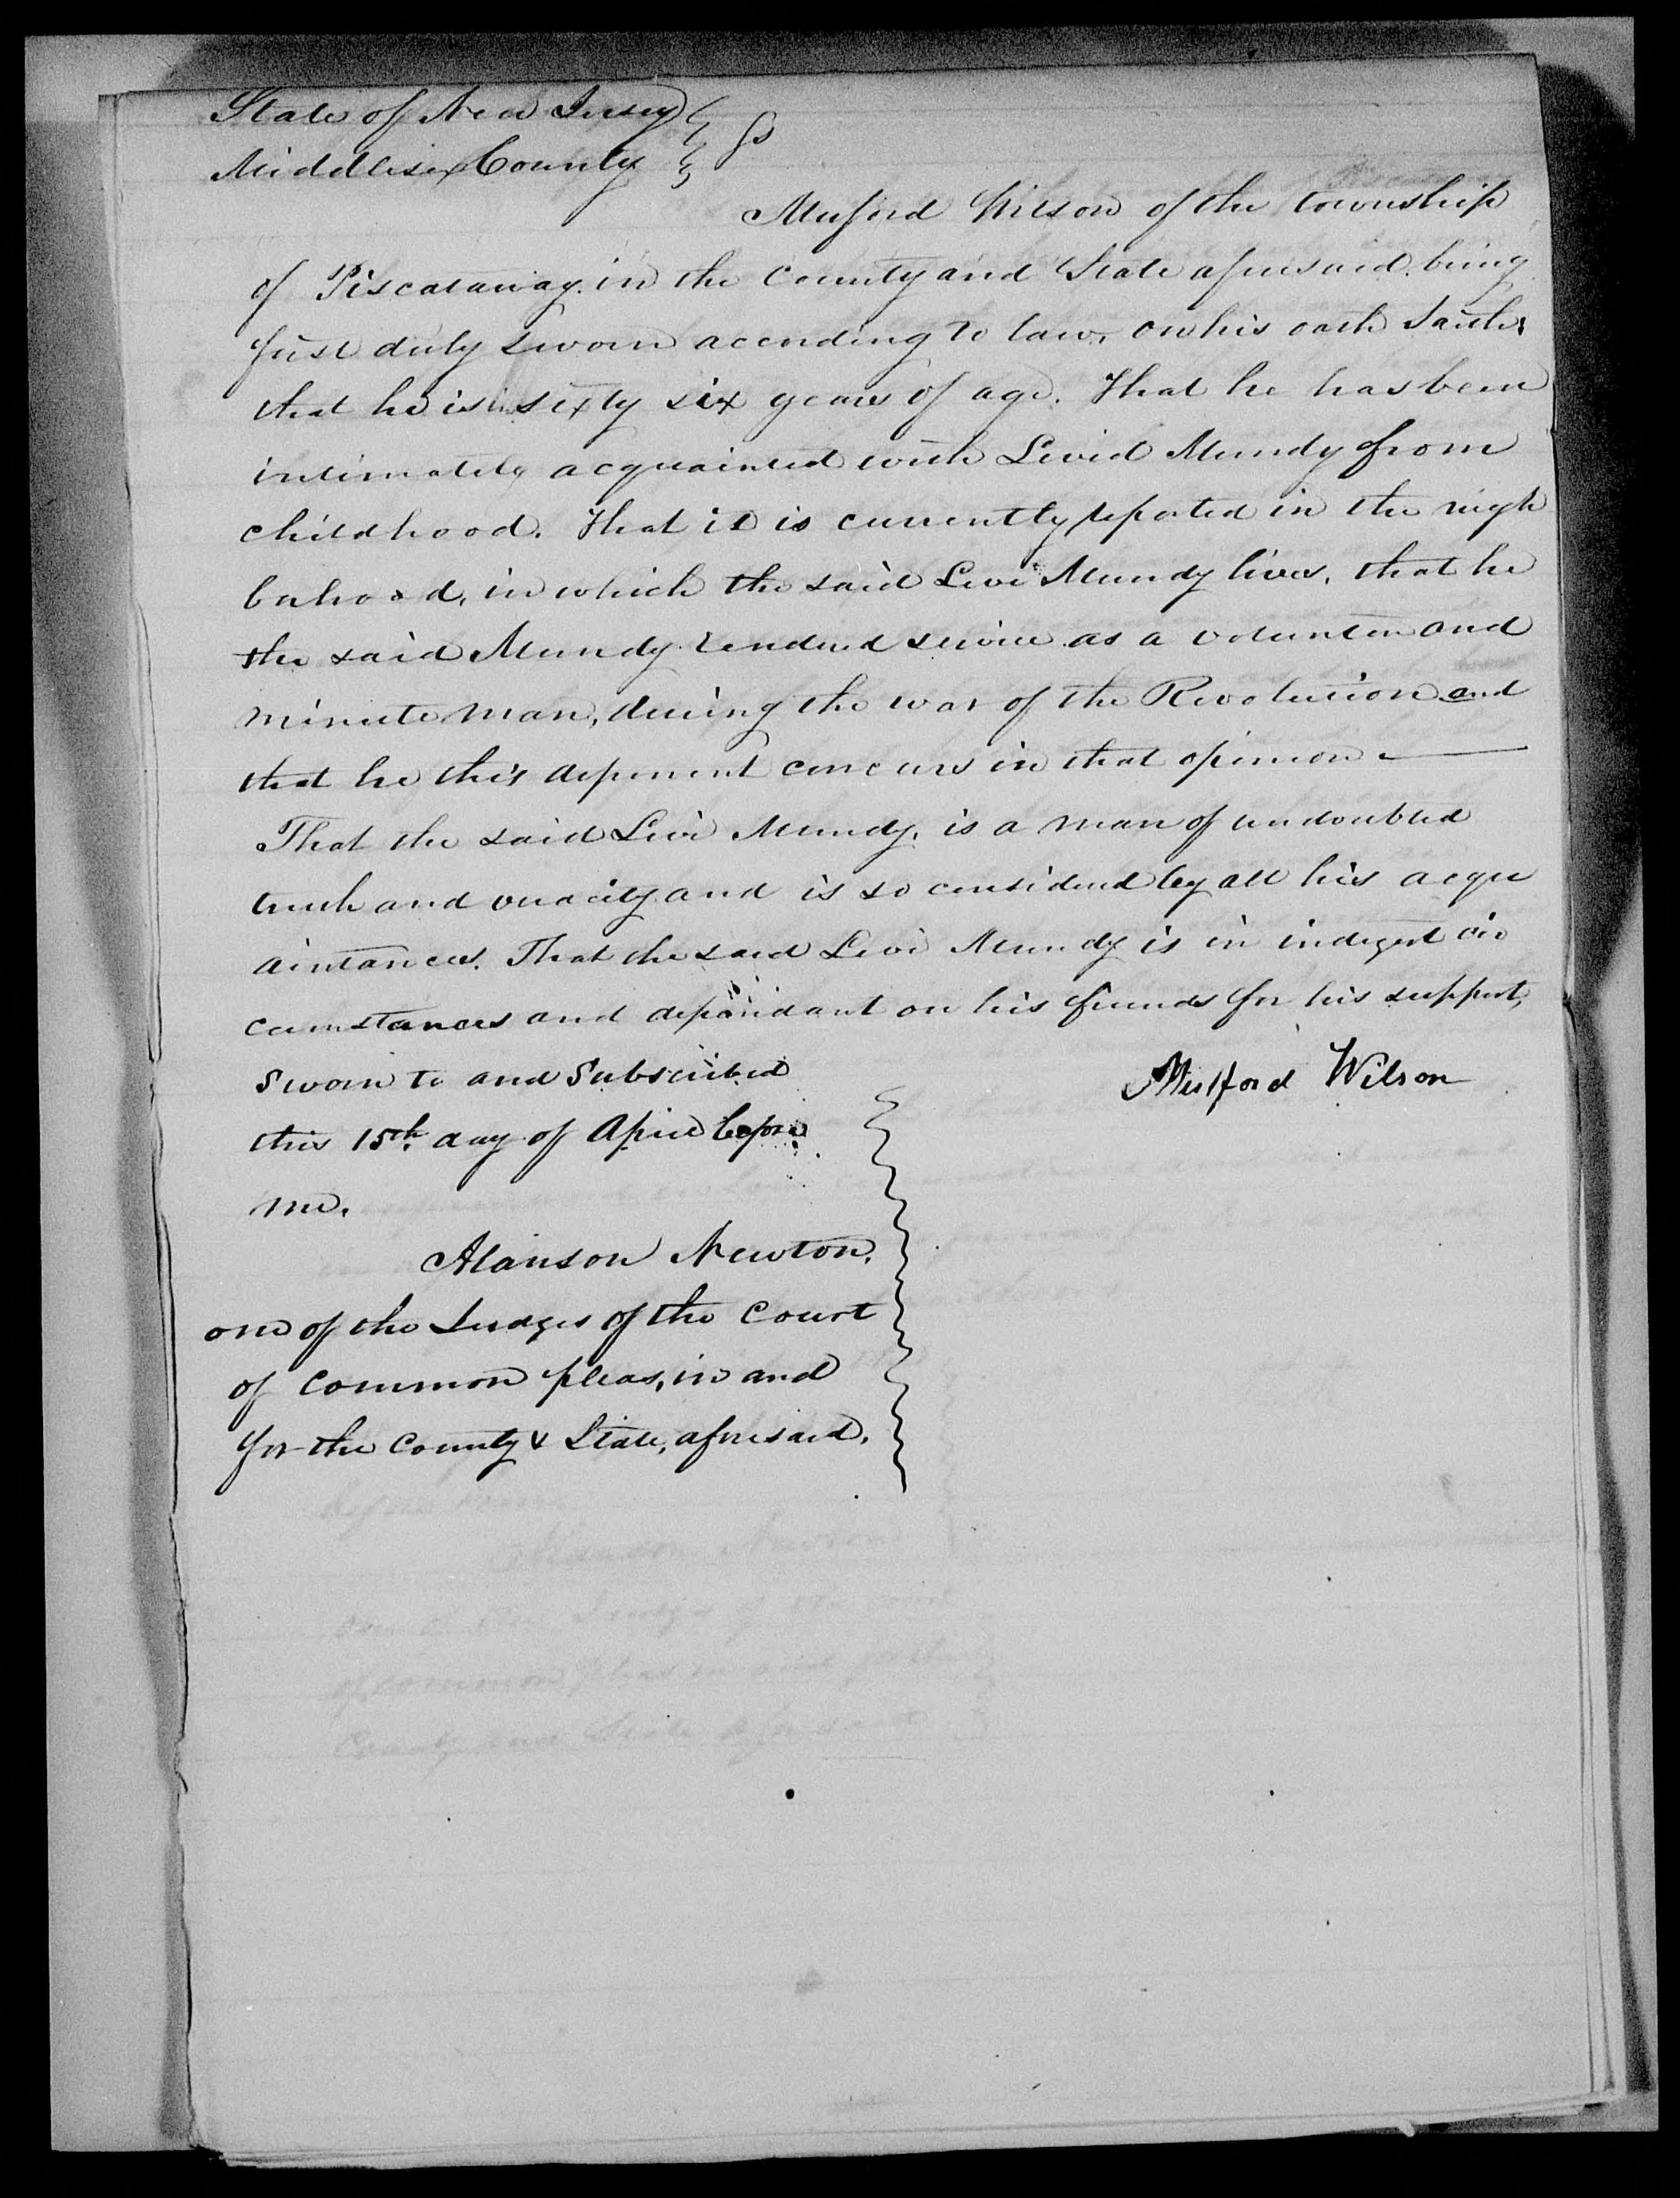State of New Jersey
Middlesex County//

Muford Wilson of the Township of Piscataway in the County and State aforesaid, being first duly sworn according to law, on his oath saith that he is Sixty six years of age. That he has been intimately acquainted with Levi Mundy from childhood. That it is currently reported in the neighborhood in which the said Levi Mundy lives, that he, the said Mundy, rendered service as a volunteer and Minuteman during the war of the Revolution and that he, this deponent, concurs in that opinion.

That the said Levi Mundy is a man of undoubted truth and veracity and is so considered by all his acquaintances. That the said Levi Mundy is in indigent
circumstances and dependent on his friends for his support.
s/ Mulford Wilson

Sworn to and subscribed this 15th day of April before me.
s/ Alanson Newton, one of the Judges of the Court of Common Pleas in and for the County & State aforesaid.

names: Levi Mundy; Maford Wilson; [BLANK] Mundy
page: 8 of 95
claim: survivor's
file: S 2889, for Levi Mundy, New Jersey